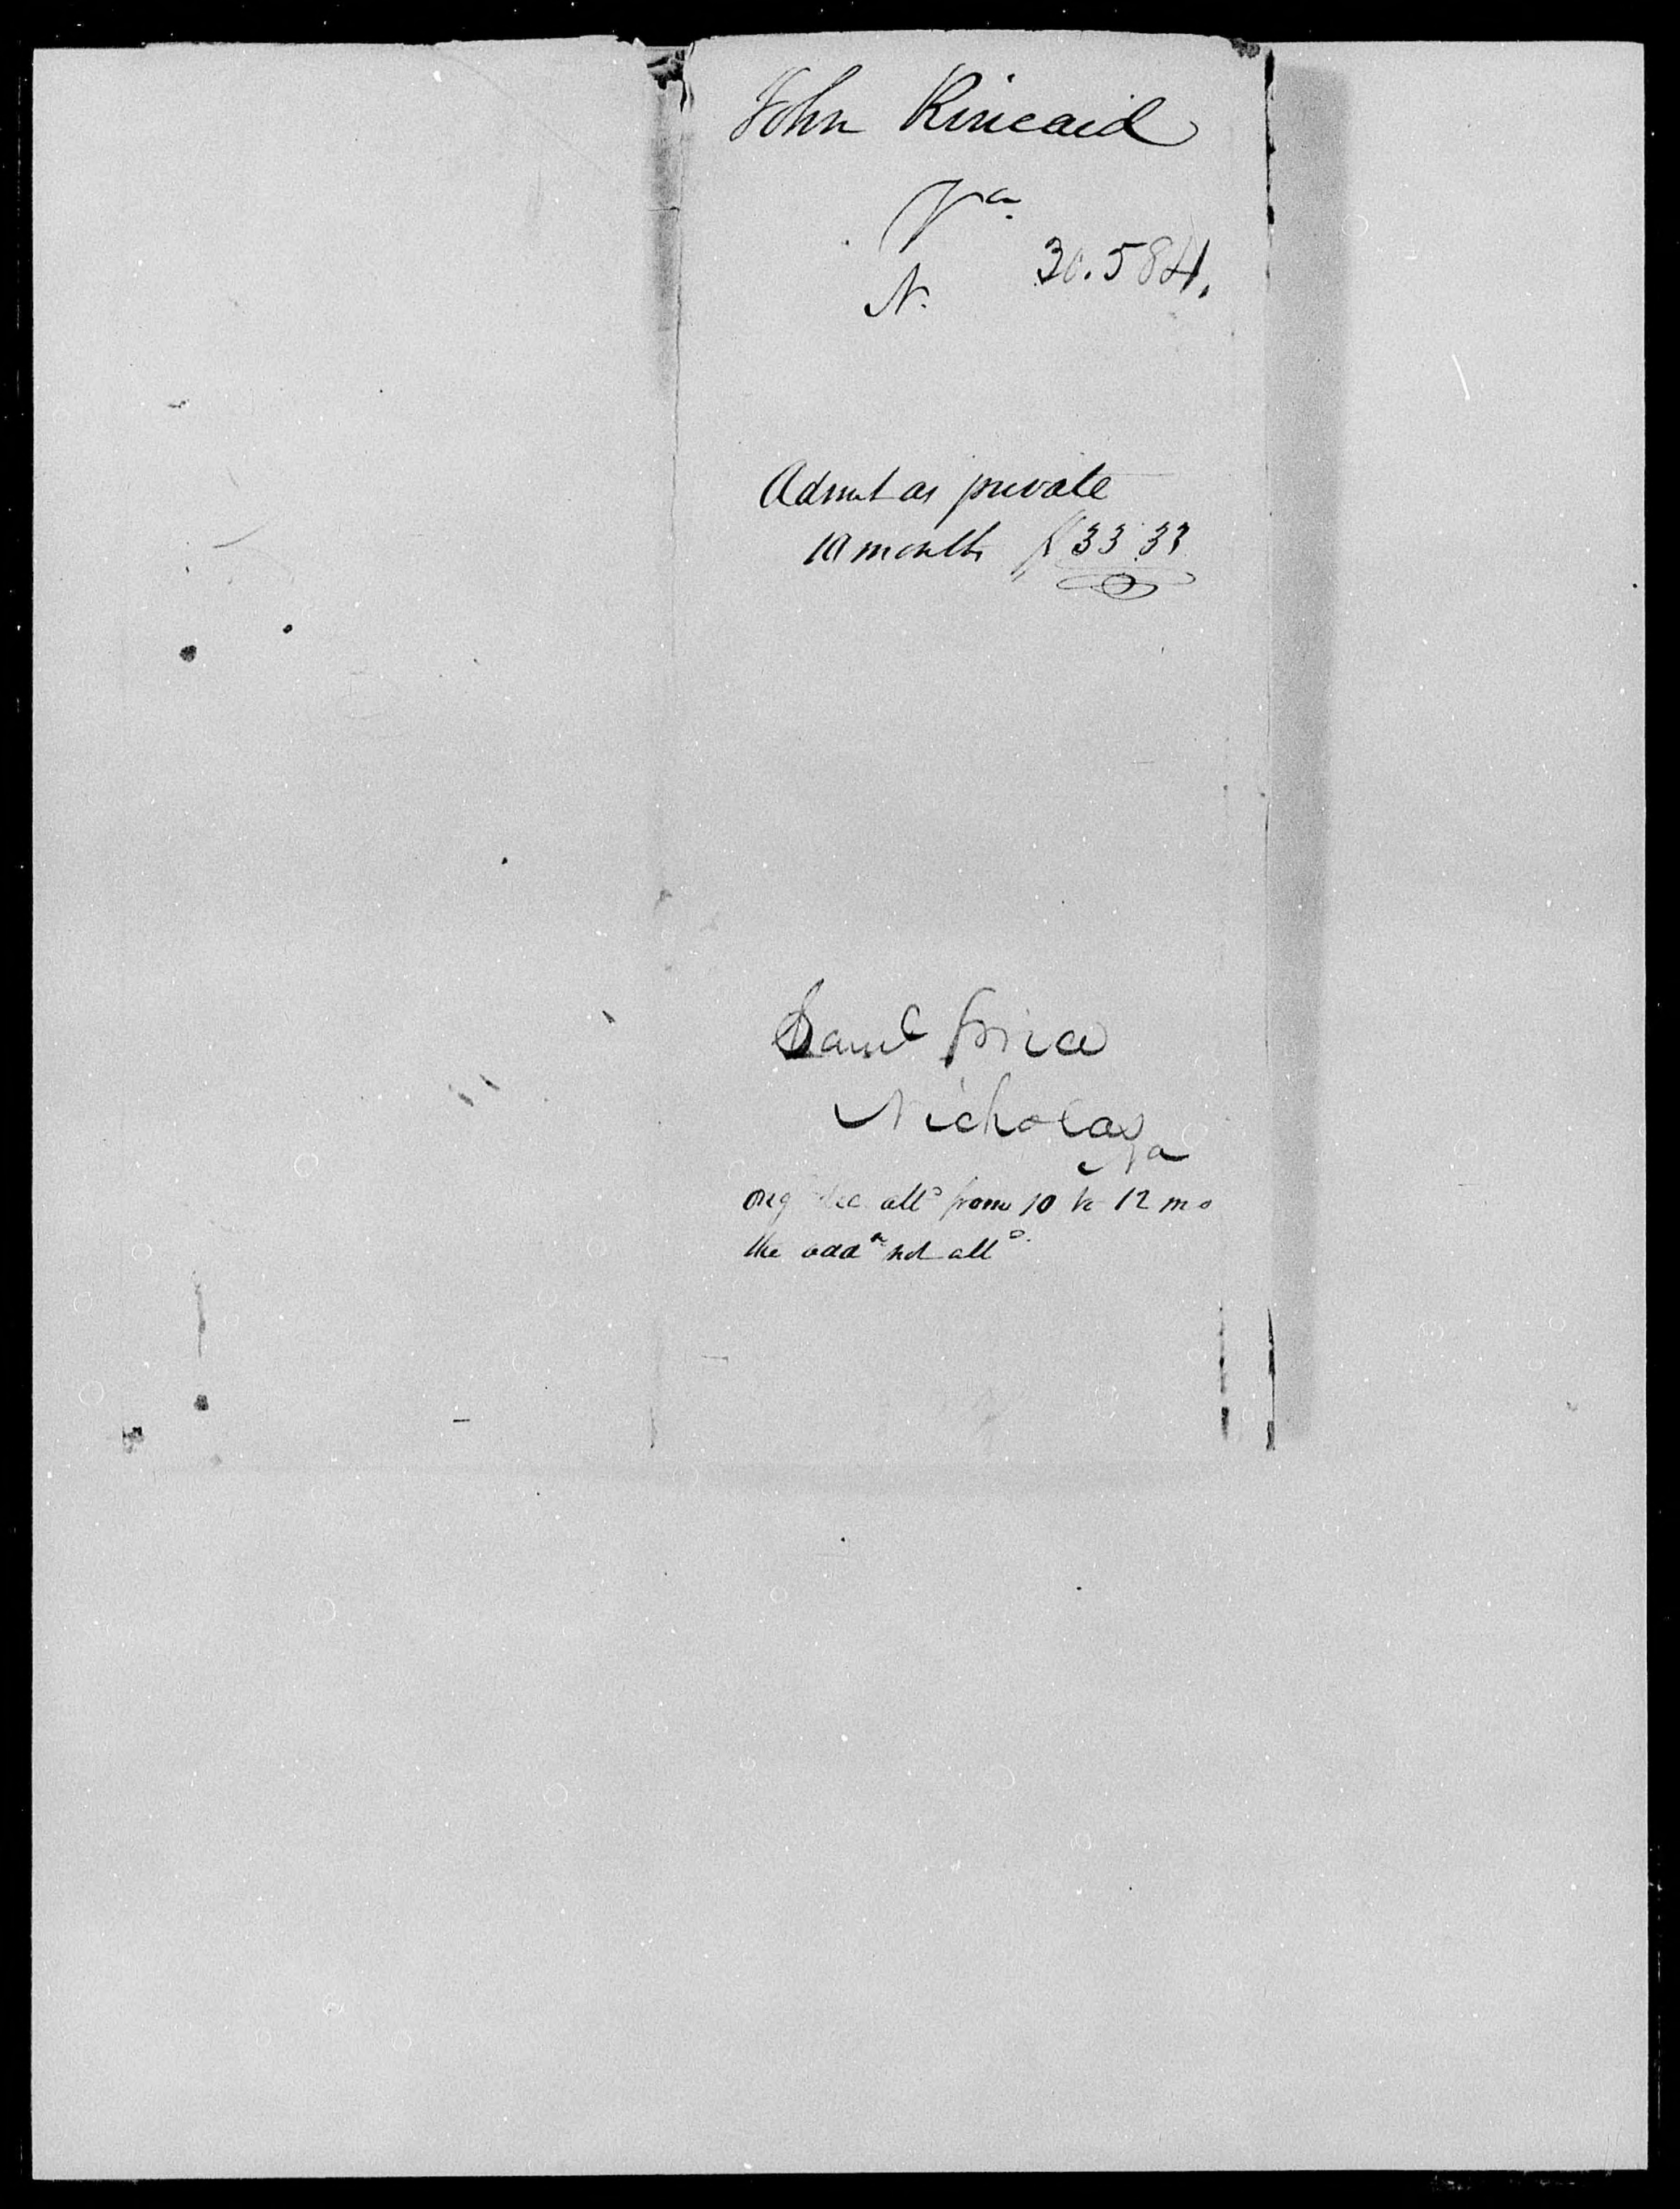John Kincaid

Va.
No.30584


Admitted as private
10 months 33.33



Samuel Price
Nicholas

orig. dec allowed from 10 to 12 months
the add "not allowed"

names: John Kincaid; Saml Price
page: 2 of 33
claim: survivor's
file: S. 19367, for John Kincaid, Virginia